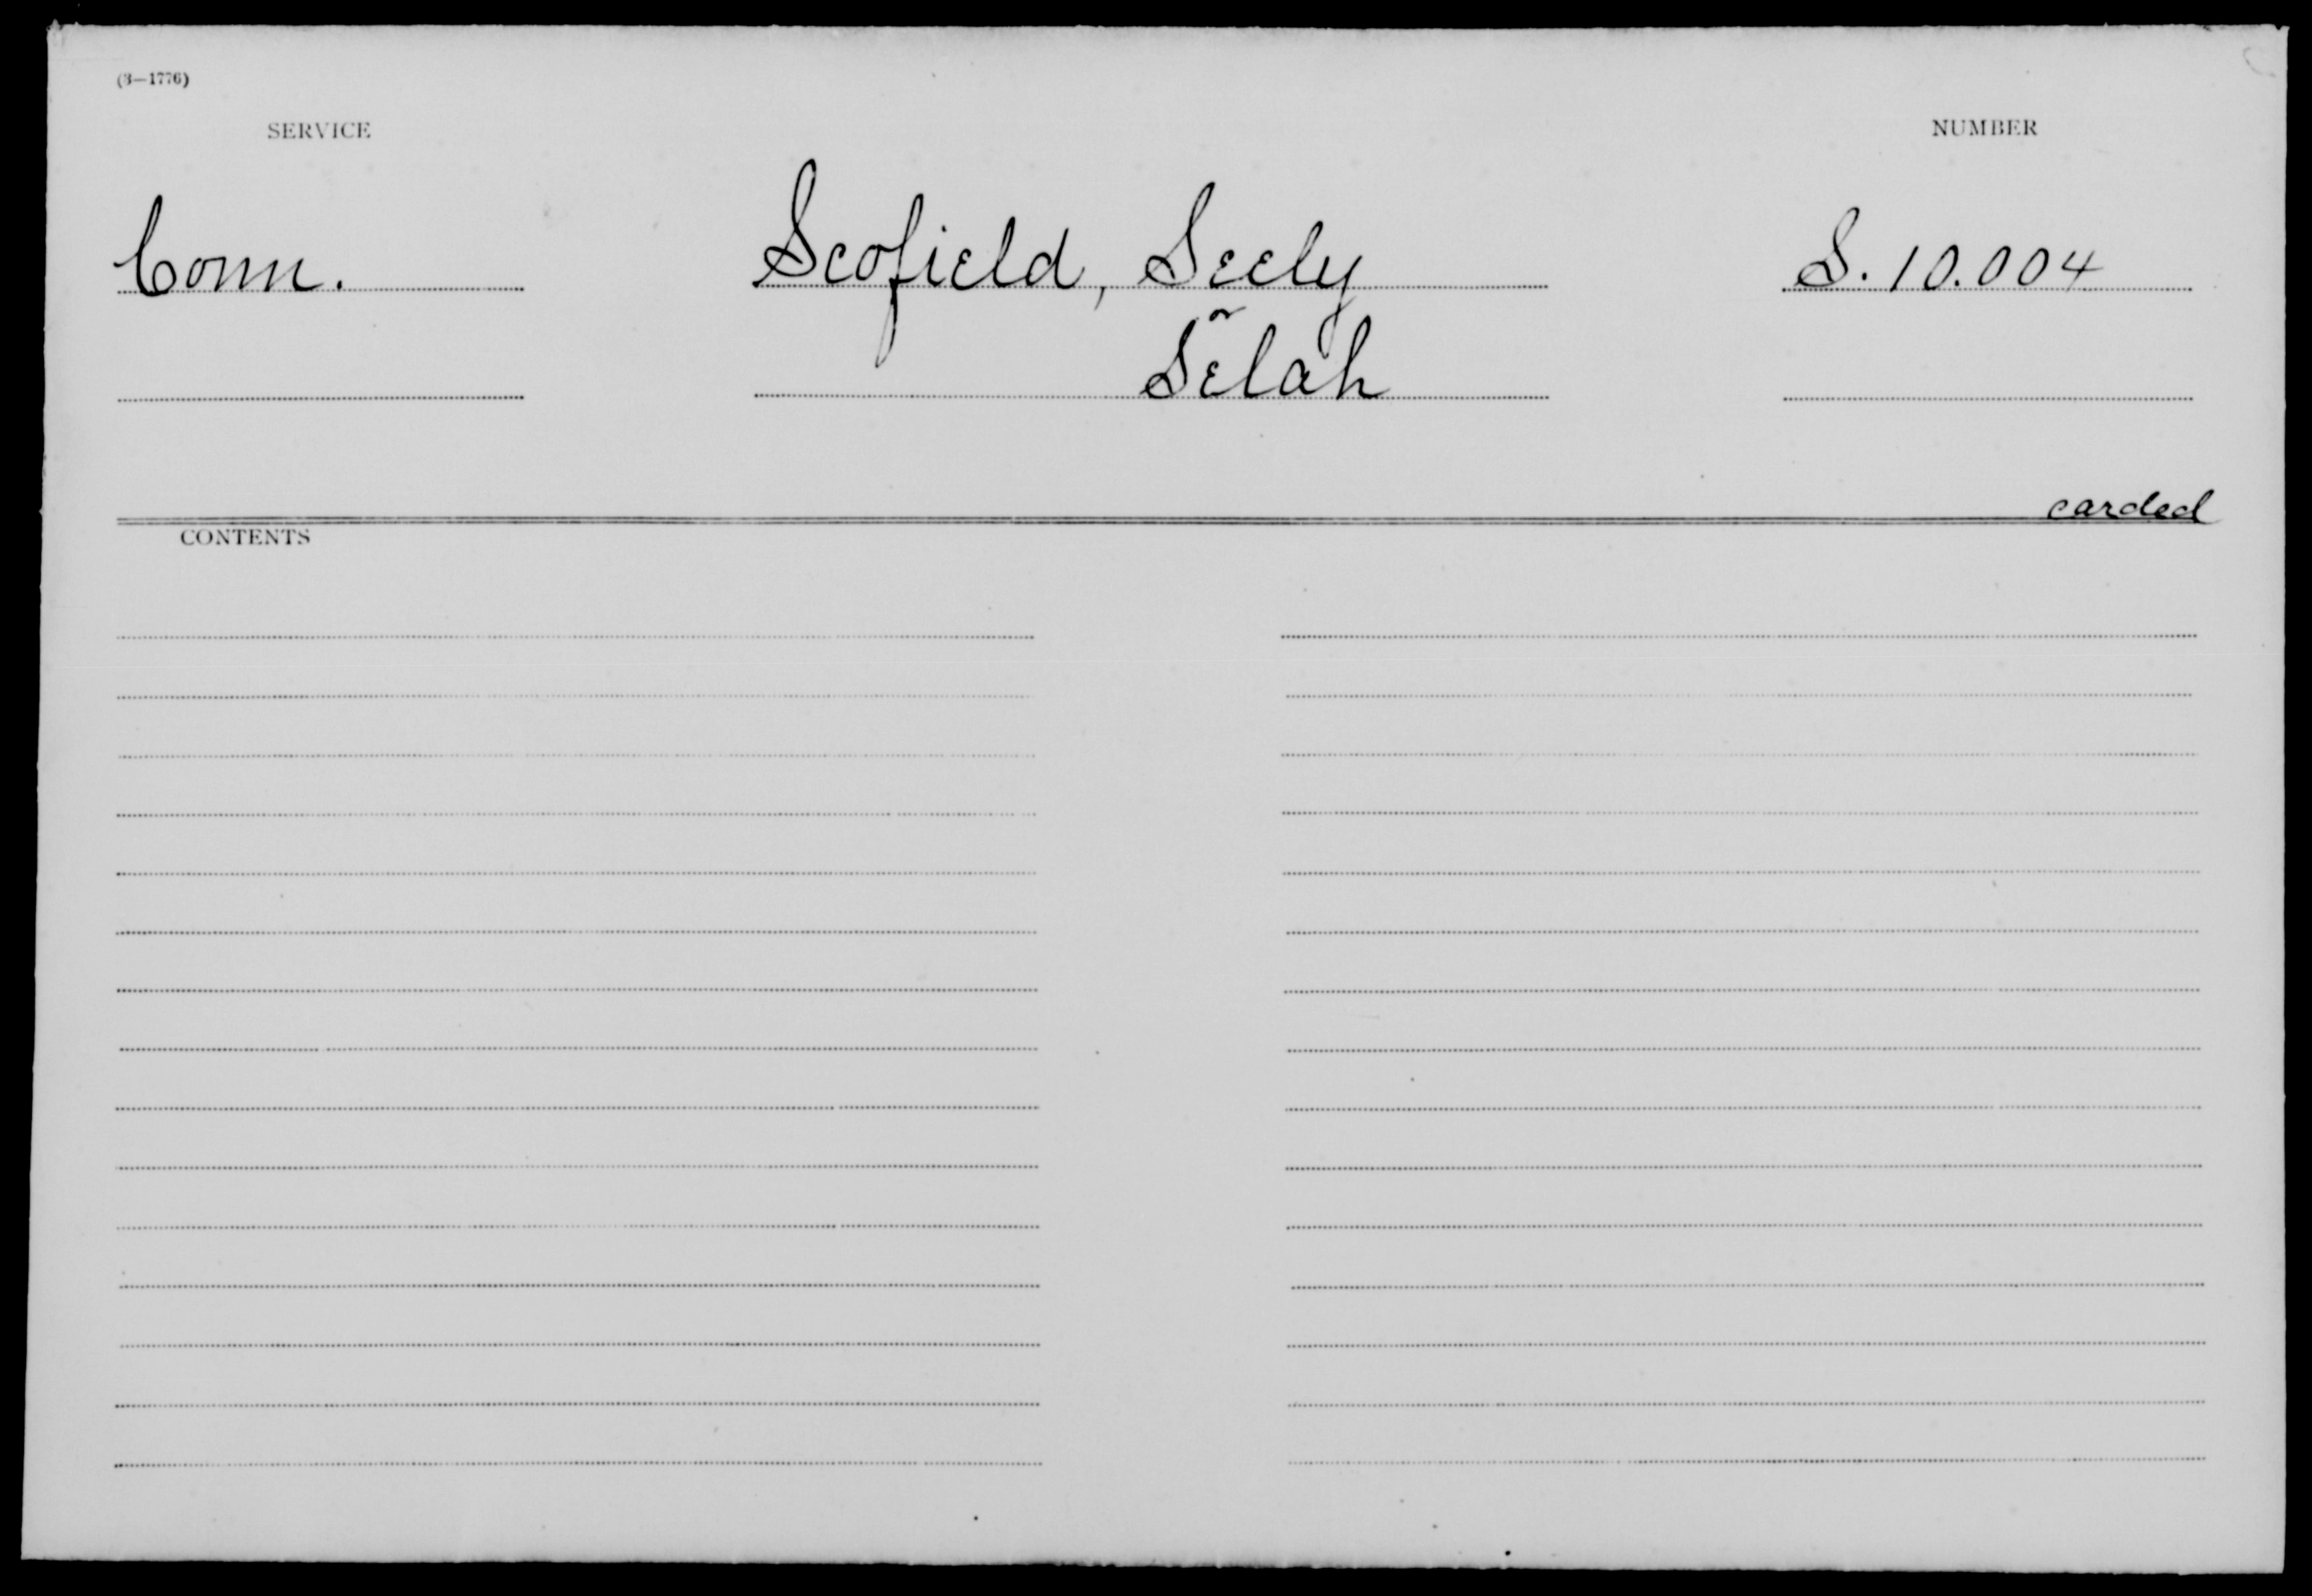SERVICE   Conn.
Scofield, Seely
or Selah
NUMBER  S. 10004
carded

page: 1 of 36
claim: survivor's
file: S. 10,004, for Seely Scofield, Connecticut